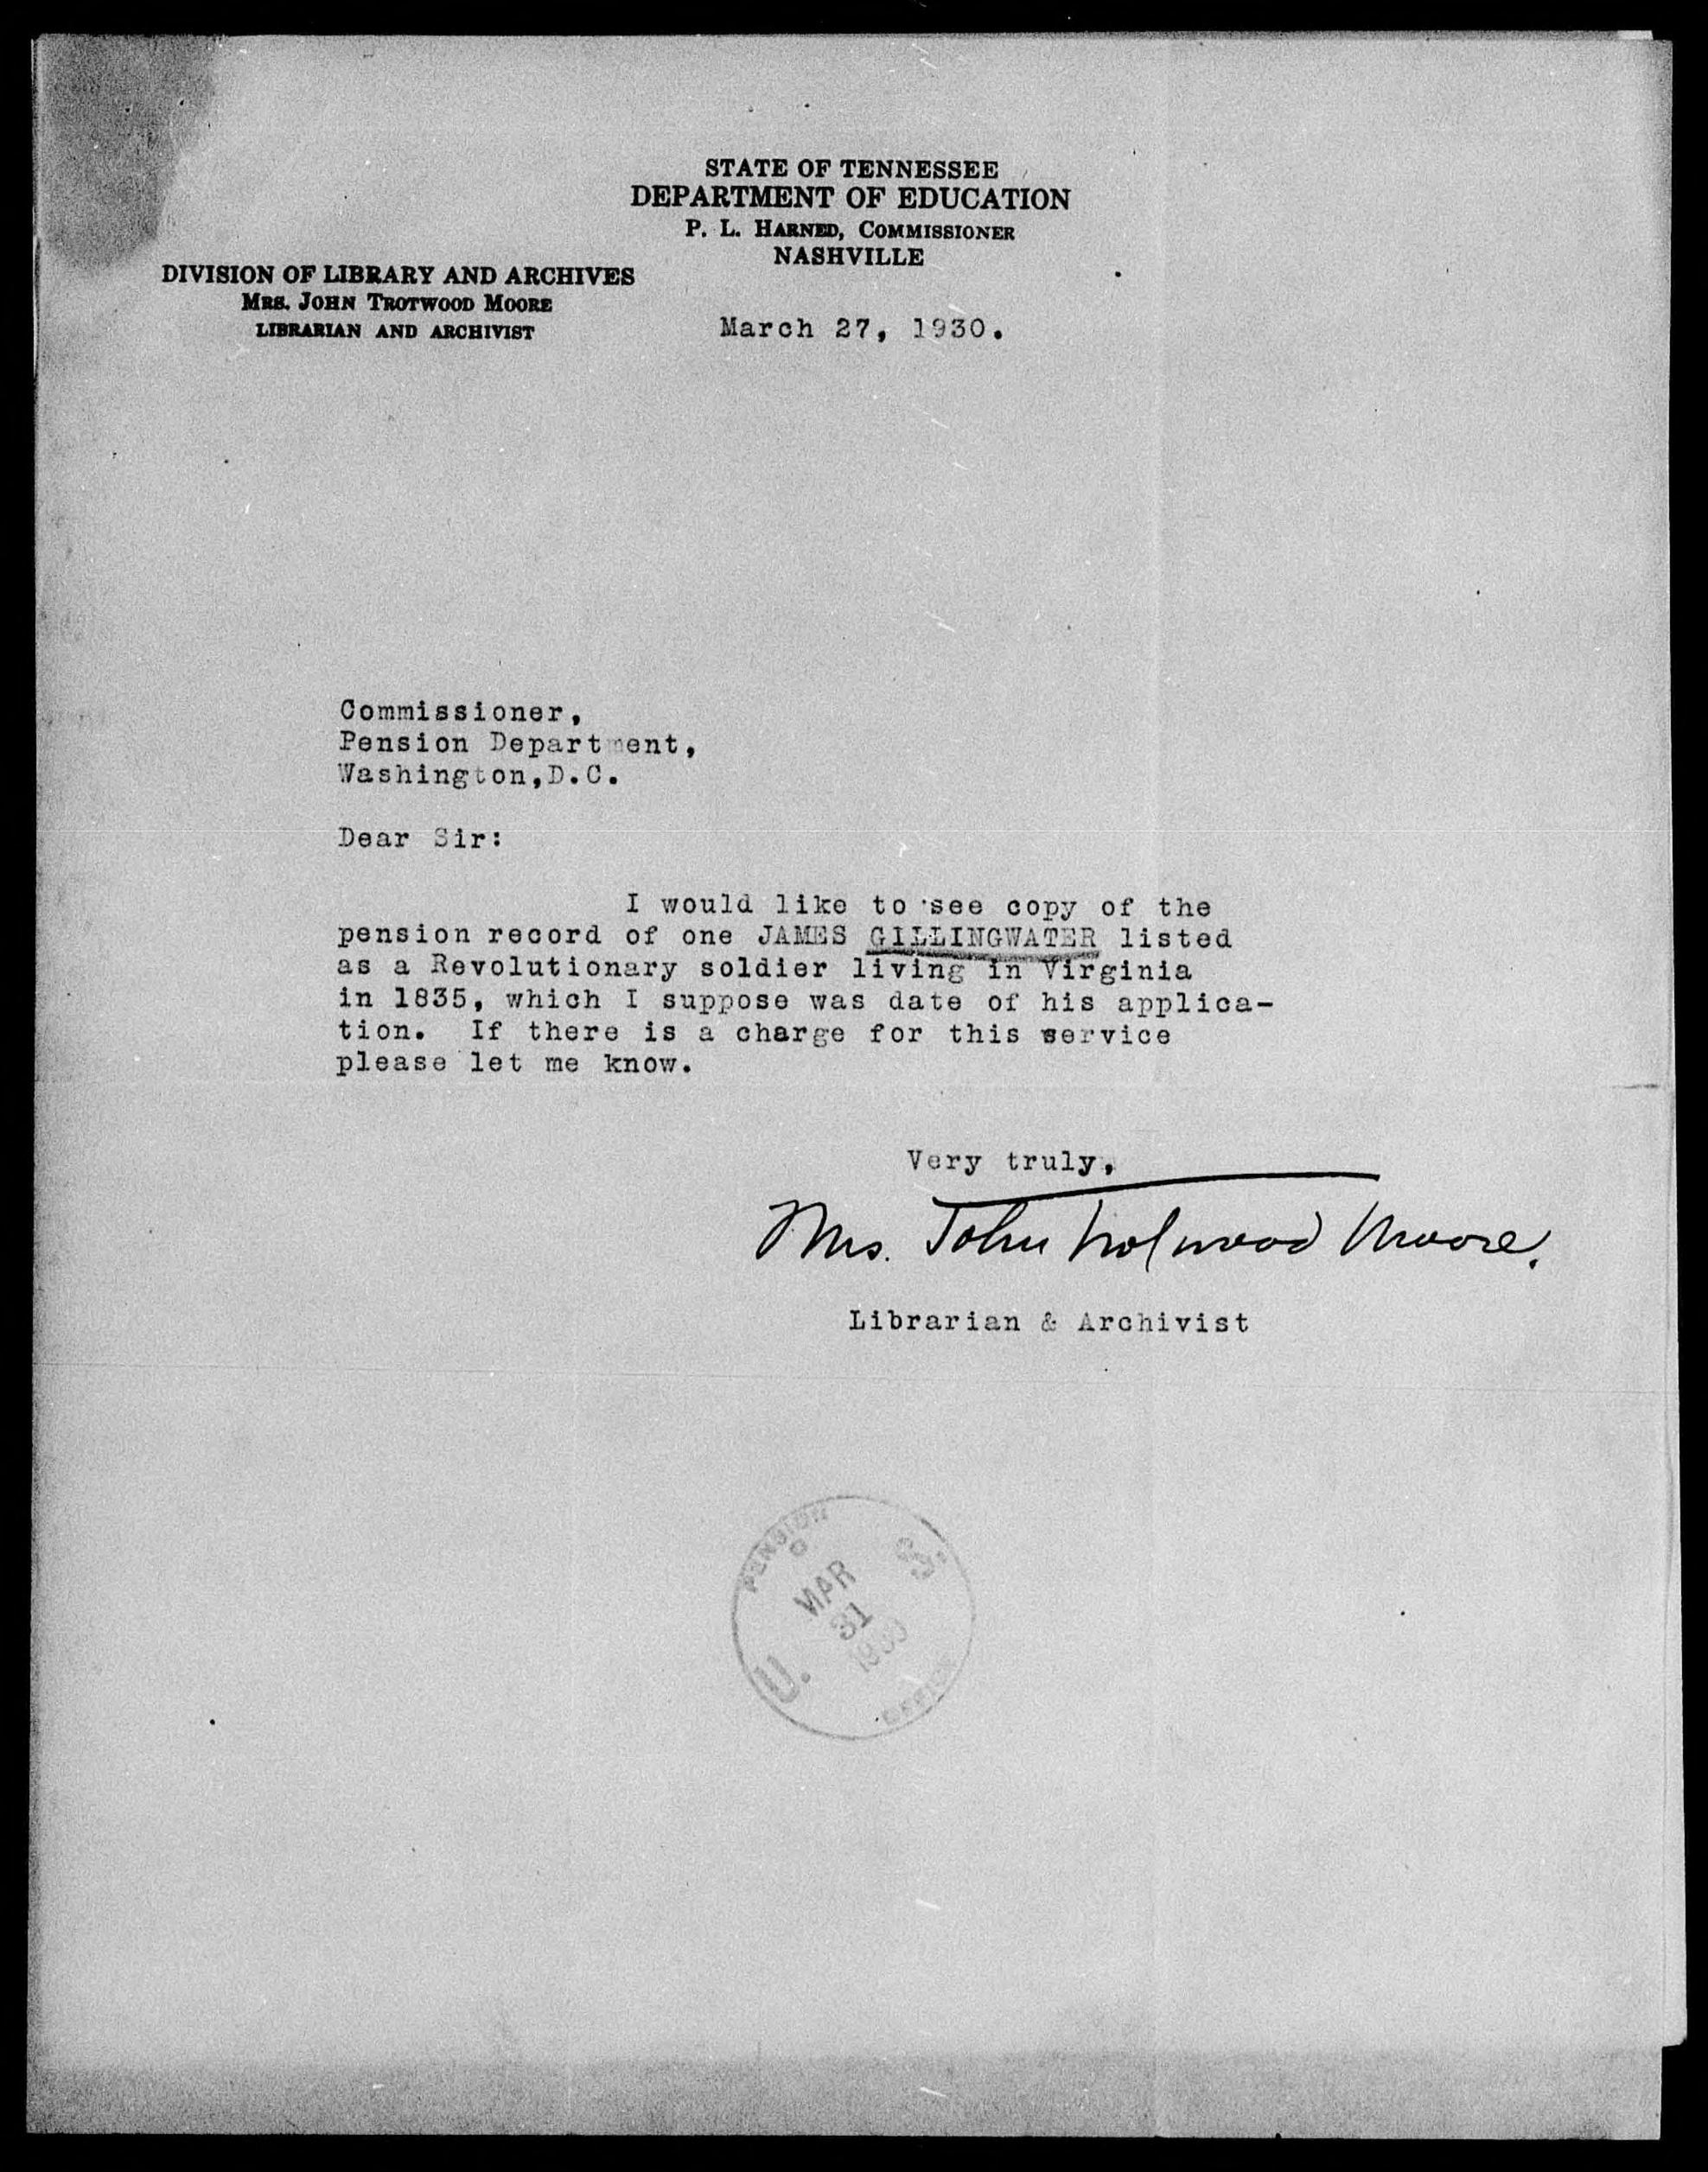STATE OF TENNESSEE
DEPARTMENT OF EDUCATION
P. L. HARNED, COMMISSIONER
NASHVILLE

March 27, 1930.

[Left of the header, stamped. "DIVISION OF LIBRARY AND ARCHIVES MRS. JOHN TROTWOOD MOORE LIBRARIAN AND ARCHIVIST"]

Commissioner,
Pension Department,
Washington, D.C.

Dear Sir:
I would like to see copy of the pension record of one JAMES GILLINGWATER listed as a Revolutionary soldier living in Virginia in 1835, which I suppose was date of his application. If there is a charge for this service please let me know.
Very Truly,
[Signed in black ink. Mrs. John Trotwood Moore."]
Librarian & Archivist

[Stamped at the bottom. "U.S. PENSION OFFICE MAR 31 1930"]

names: P L Harned, John Trotwood Moore, John Trotwood Moore, James Gillingwater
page: 36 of 36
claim: survivor's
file: S. 39570, James Gillingwater, Va.